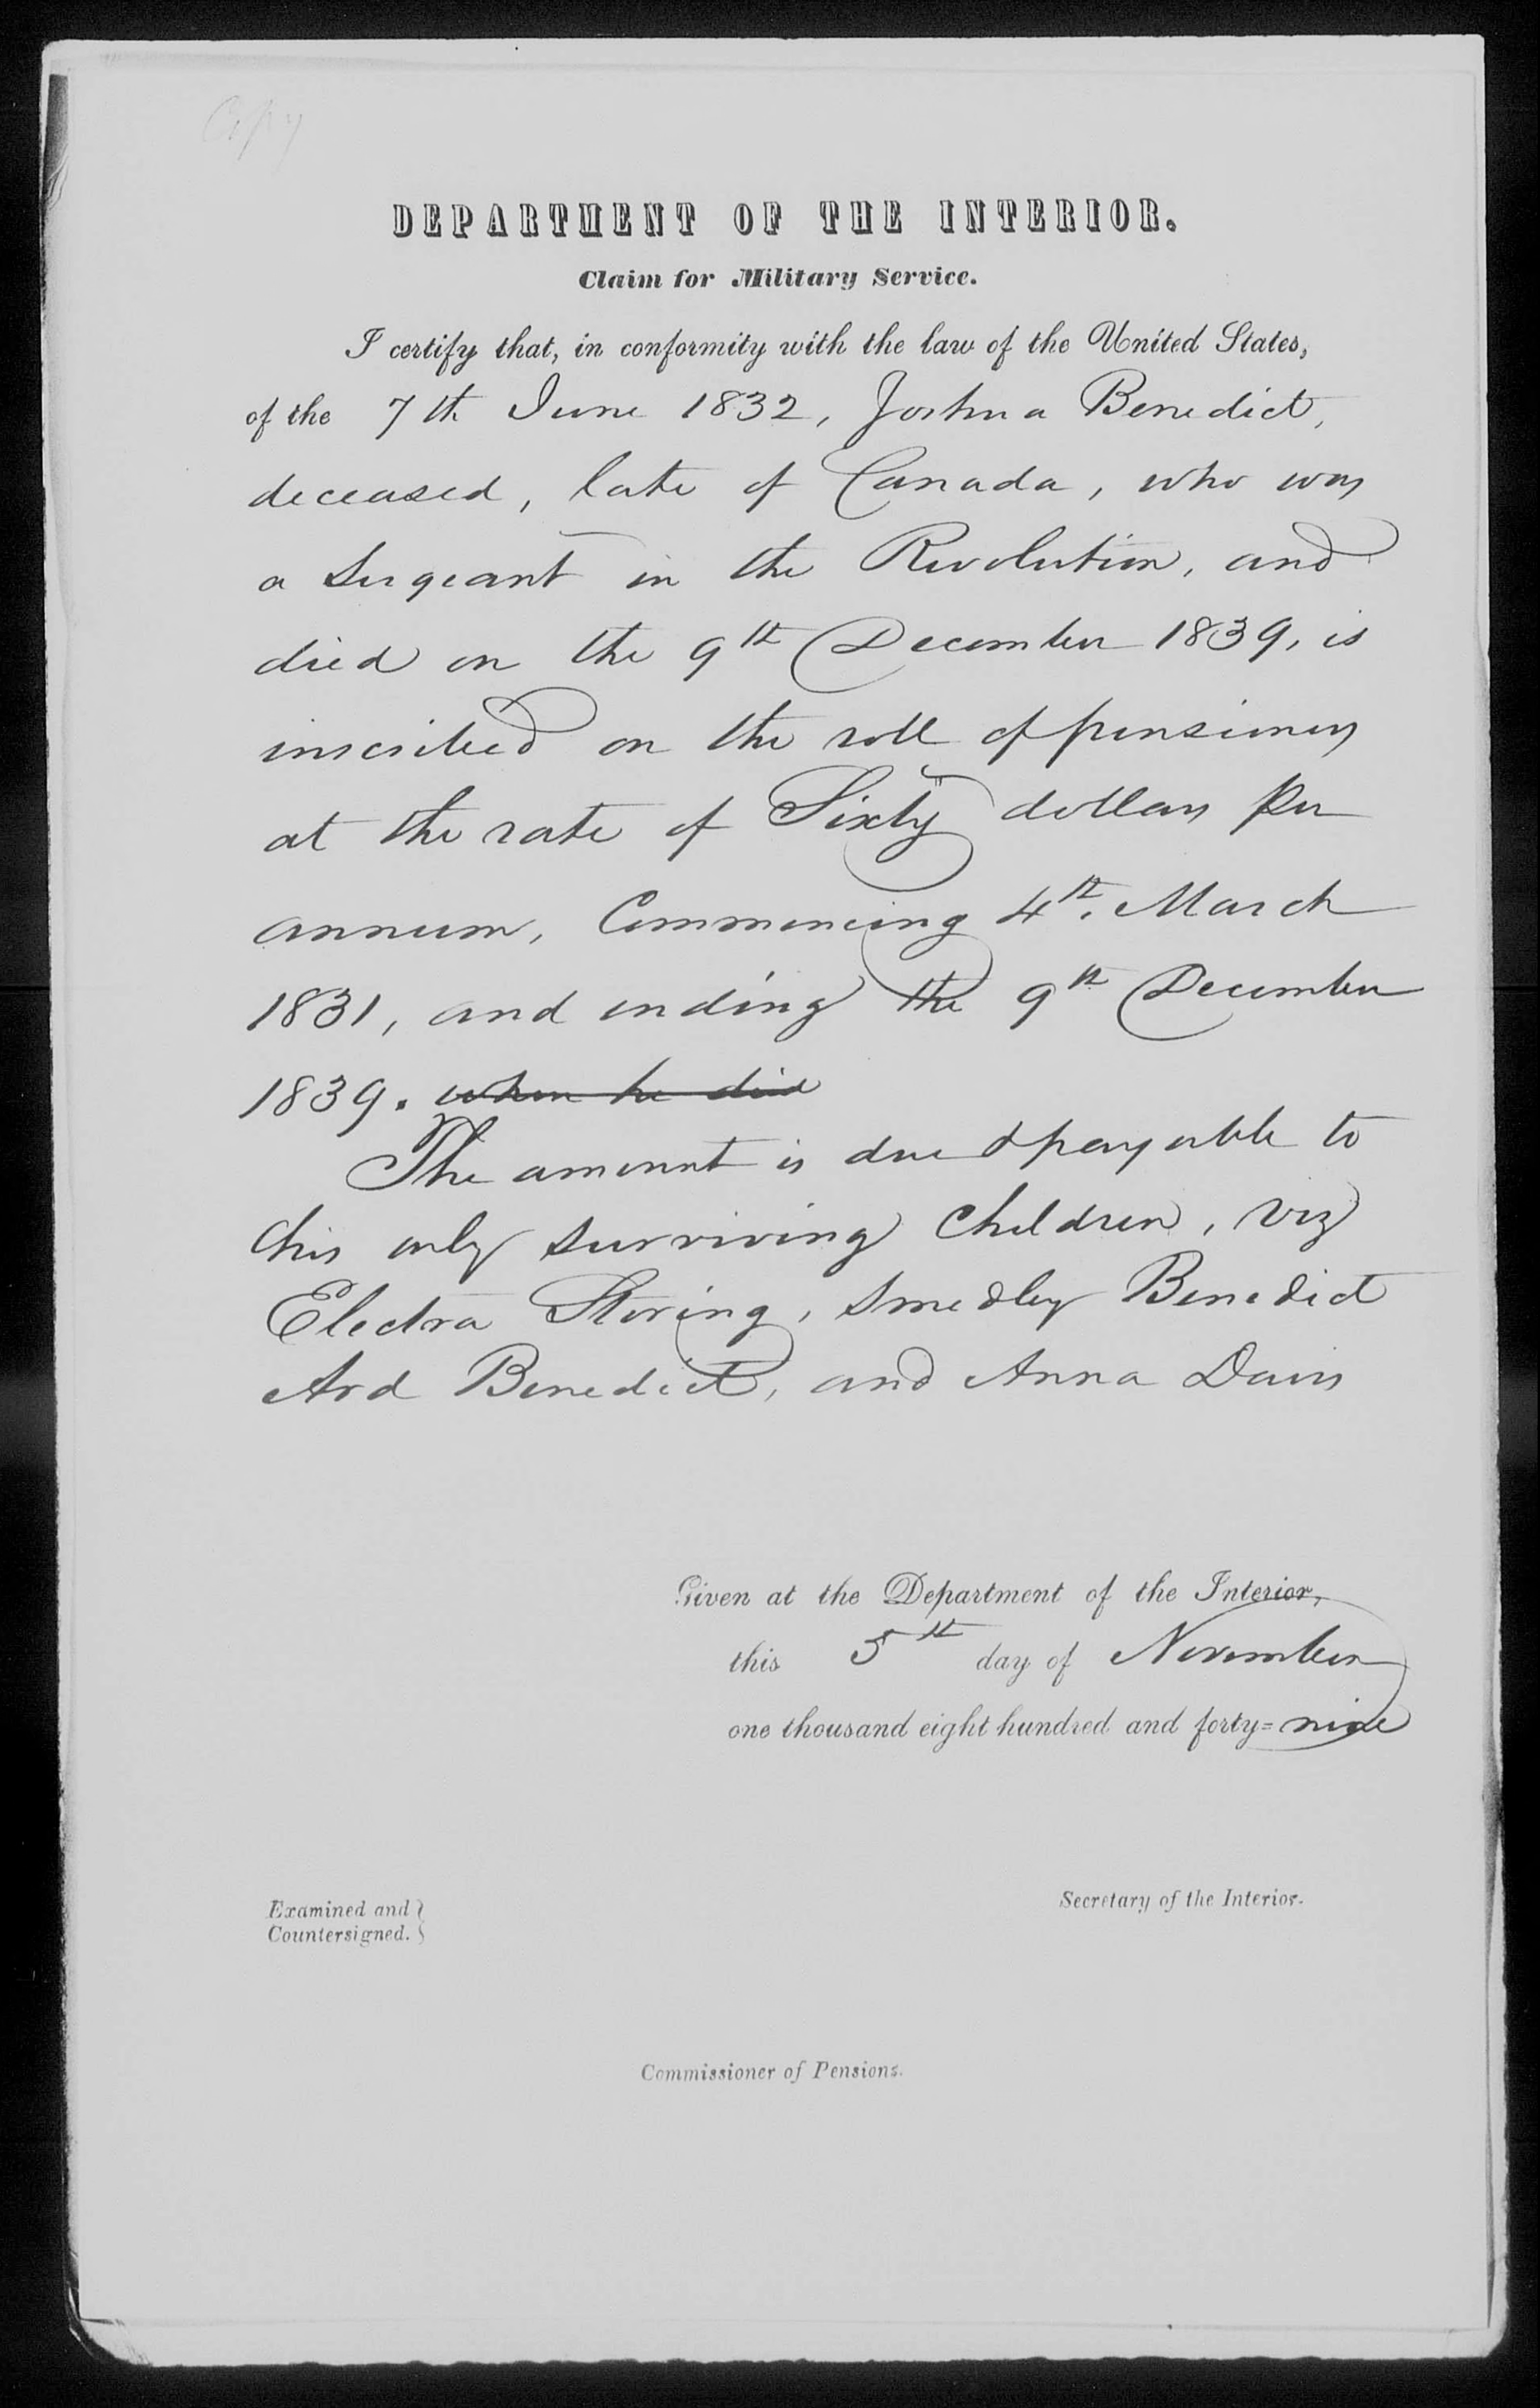DEPARTMENT OF THE INTERIOR.
Claim for Military Service.

I certify that, in conformity with the law of the United States, of the 7th June 1832, Joshua Benedict, deceased, late of Canada, who was a Sergeant in the Revolution, and died on the 9th December 1839, is inscribed on the roll of pensioners at the rate of Sixty dollars per annum, Commencing 4th. March 1831, and ending the 9th December 1839. when he died [crossed out]
The amount is due & payable to his only surviving Children, viz Electra Storing, Smedley Benedict Ard Benedict, and Anna Davis

Given at the Department of the Interior, this 5th day of November one thousand eight hundred and forty=nine

Secretary of the Interior.

Examined and
Countersigned. }

Commissioner of Pensions.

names: Anna Davis, Electra Storing, Smedley Benedict, Ard Benedict, Joshua Benedict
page: 24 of 106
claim: survivor's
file: S 23,116., Joshua Benedict, Conn.